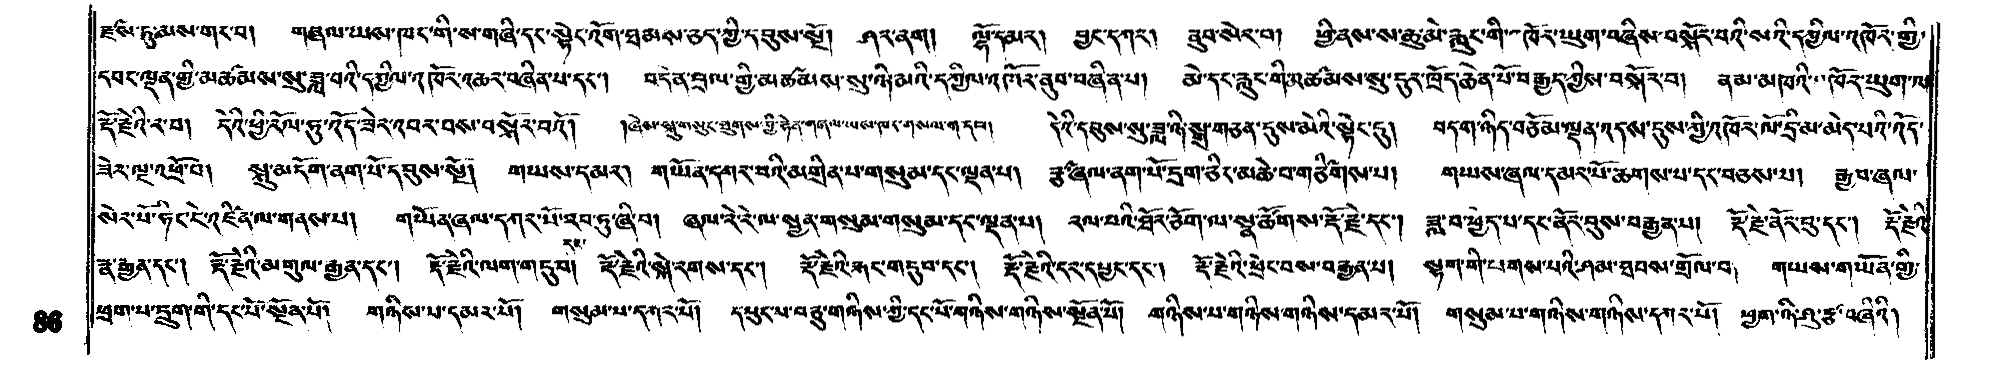རྫས་ཏུ་མས་གང་བ། གཞལ་ཡས་ཁང་གི་ས་གཞི་དང་སྟེང་འོག་ཐམས་ཅད་ཀྱི་དབུས་སྔོ། ཤར་ནག། ལྷོ་དམར། བྱང་དཀར། ནུབ་སེར་བ། ཕྱི་ནས་ས་ཆུ་མེ་རླུང་གི་ཁོར་ཡུག་བཞིས་བསྐོར་བའི་སའི་དཀྱིལ་འཁོར་གྱི་
དབང་ལྡན་གྱི་མཚམས་སུ་ཟླ་བའི་དཀྱིལ་འཁོར་འཆར་བཞིན་པ་དང་། བདེན་བྲལ་གྱི་མཚམས་སུ་ཉི་མའི་དཀྱིལ་འཁོར་ནུབ་བཞིན་པ། མེ་དང་རླུང་གི་མཚམས་སུ་དུར་ཁྲོད་ཆེན་པོ་བརྒྱད་ཀྱིས་བསྐོར་བ། ནམ་མཁའི་ཁོར་ཡུག་ལ་
རྡོ་རྗེའི་ར་བ། དེའི་ཕྱི་རོལ་ཏུ་འོད་ཟེར་འབར་བས་བསྐོར་བའོ། །ཞེས་སྐུ་གསུང་ཐུགས་ཀྱི་རྟེན་གཞལ་ཡས་ཁང་གསལ་གདབ།  དེའི་དབུས་སུ་ཟླ་ཉི་སྒྲ་གཅན་དུས་མེའི་སྟེང་དུ། བདག་ཉིད་བཅོམ་ལྡན་འདས་དུས་ཀྱི་འཁོར་ལོ་དྲི་མ་མེད་པའི་འོད་
ཟེར་ལྔ་འཕྲོ་བ། སྐུ་མདོག་ནག་པོ་དབུས་སྔོ། གཡས་དམར། གཡོན་དཀར་བའི་མགྲིན་པ་གསུམ་དང་ལྡན་པ། རྩ་ཞལ་ནག་པོ་དྲག་ཅིང་མཆེ་བ་གཙིགས་པ། གཡས་ཞལ་དམར་པོ་ཆགས་པ་དང་བཅས་པ། རྒྱབ་ཞལ་
སེར་པོ་ཏིང་ངེ་འཛིན་ལ་གནས་པ། གཡོན་ཞལ་དཀར་པོ་རབ་ཏུ་ཞི་བ། ཞལ་རེ་རེ་ལ་སྤྱན་གསུམ་གསུམ་དང་ལྡན་པ། རལ་བའི་ཐོར་ཅོག་ལ་སྣ་ཚོགས་རྡོ་རྗེ་དང་། ཟླ་བ་ཕྱེད་པ་དང་ནོར་བུས་བརྒྱན་པ། རྡོ་རྗེ་ནོར་བུ་དང་། རྡོ་རྗེའི་
རྣ་རྒྱན་དང་། རྡོ་རྗེའི་མགུལ་རྒྱན་དང་། རྡོ་རྗེའི་ལག་གཏུབ་དང་། རྡོ་རྗེའི་སྐེ་རགས་དང་། རྡོ་རྗེའི་རྐང་གདུབ་དང་། རྡོ་རྗེའི་དར་དཔྱང་དང་། རྡོ་རྗེའི་ཕྲེང་བས་བརྒྱན་པ། སྟག་གི་པགས་པའི་ཤམ་ཐབས་གྲོལ་བ། གཡས་གཡོན་གྱི་
ཕྲག་པ་དྲུག་གི་དང་པོ་སྔོན་པོ། གཉིས་པ་དམར་པོ། གསུམ་པ་དཀར་པོ། དཔུང་པ་བཅུ་གཉིས་ཀྱི་དང་པོ་གཉིས་གཉིས་སྔོན་པོ། གཉིས་པ་གཉིས་གཉིས་དམར་པོ། གསུམ་པ་གཉིས་གཉིས་དཀར་པོ། ཕྱག་ཉི་ཤུ་རྩ་བཞིའི།